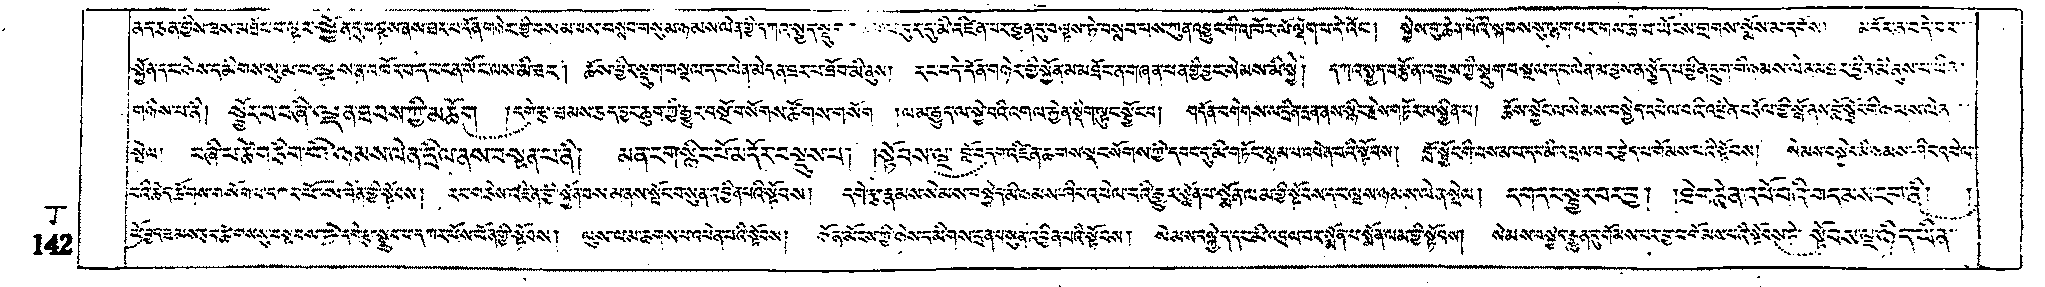ནད་ཅན་གྱིས་ཟས་མཐོང་བ་ལྟར་སྐྱོན་དུ་བལྟས་ནས་ཐར་པ་དོན་གཉེར་གྱི་བསམ་པས་བསླབ་གསུམ་ཉམས་ལེན་གྱི་དཀའ་སྤྱད་སྡུག་བསྔལ་ལ་ཁུར་དུ་མི་འཛིན་པར་རྒྱན་དུ་བལྟས་ཏེ་བསླབ་པས་ཀུན་འབྱུང་གི་འཁོར་ལོ་ལྡོག་པ་དེ་འོང་། སྐྱེས་བུ་ཆེན་པོའི་སྐབས་སུ་ལྷག་པར་གལ་ཆེ་བ་ཡོངས་གྲགས་སྨོས་མ་དགོས། མདོར་ན་བདེ་བར་་་
སྐྱོན་དང་ཉེས་དམིགས་སུ་མ་བལྟས་ན་འཁོར་བ་དང་ངན་སོང་ལས་མི་ཐར། ཆོས་ཕྱིར་སྡུག་བསྔལ་དང་ལེན་མེད་ན་ཐར་པ་ཐོབ་མི་ནུས། རང་བདེ་དོན་གཉེར་གྱི་སྐྱོན་མ་མཐོང་ན་གཞན་ཕན་གྱི་བྱང་སེམས་མི་སྐྱེ། དཀའ་སྤྱད་བརྩོན་འགྲུས་ཀྱི་སྡུག་བསྔལ་དང་ལེན་མ་བྱས་ན་སྤྱོད་པ་ཕྱིན་དྲུག་གི་ཉམས་ལེན་མཐར་ཕྱིན་མི་ནུས་པ་ཡིན།
གཉིས་པ་ནི། དགེ་རྩ་ཐམས་ཅད་བྱང་ཆུབ་ཀྱི་རྒྱུར་བསྔོ་བ་སོགས་ཚོགས་གསོག་སྦྱོར་བཞི་ལྡན་ཐབས་ཀྱི་མཆོག །ལམ་རྒྱུད་ལ་སྐྱེ་བའི་འགལ་རྐྱེན་སྡིག་ལྟུང་སྦྱོང་བ། གདོན་བགེགས་ལ་དྲིན་དྲན་ནས་སྙིང་རྗེས་གཏོར་མ་སྦྱིན་པ། ཆོས་སྐྱོང་ལ་སེམས་བསྐྱེད་འཕེལ་བའི་འཕྲིན་བཅོལ་གྱི་སྒོ་ནས་བློ་སྦྱོང་གི་ཉམས་ལེན་་་
སྤེལ། བཞི་པ་ཚེ་གཅིག་གྱི་ཉམས་ལེན་དྲིལ་ནས་བསྟན་པ་ནི། མན་ངག་སྙིང་པོ་མདོར་བསྡུས་པ། །སྟོབས་ལྔ་བློ་བདག་འཛིན་ཆགས་སྡང་སོགས་ཀྱི་དབང་དུ་མི་གཏོང་སྙམ་པ་འཕེན་པའི་སྟོབས། བློ་སྦྱོང་གི་བསམ་པ་དང་མི་འབྲལ་བར་བྱེད་པ་གོམས་པའི་སྟོབས། སེམས་བསྐྱེད་མི་ཉམས་ཤིང་འཕེལ་
བའི་ཆེད་ཚོགས་གསོག་པ་དཀར་པོ་ས་བོན་གྱི་སྟོབས། རང་གཅེས་འཛིན་གྱི་སྐྱོན་བསམ་ནས་སྤོང་བ་སུན་འབྱིན་པའི་སྟོབས། དགེ་རྩ་རྣམས་སེམས་བསྐྱེད་མི་ཉམས་ཤིང་འཕེལ་བའི་རྒྱུར་སྨོན་པ་སྨོན་ལམ་གྱི་སྟོབས་དང་ལྔས་ཉམས་ལེན་སྤེལ། དག་དང་སྦྱར་བར་བྱ། །ཐེག་ཆེན་འཕོ་བའི་གདམས་ངག་ནི། །
ཡོ་བྱད་ཐམས་ཅད་ཚོགས་སུ་བསྟབས་ཏེ་དགེ་རྩ་སྒྲུབ་པ་དཀར་པོ་ས་བོན་གྱི་སྟོབས། ལུས་ལ་མ་ཆགས་པ་འཕེན་པའི་སྟོབས། ཉོན་མོངས་ཀྱི་ཉེས་དམིགས་དྲན་པ་སུན་འབྱིན་པའི་སྟོབས། སེམས་བསྐྱེད་དང་མི་འབྲལ་བར་སྨོན་པ་སྨོན་ལམ་གྱི་སྟོབས། སེམས་བསྐྱེད་རྒྱུན་དུ་གོམས་པར་བྱ་བ་གོམས་པའི་སྟོབས་ཏེ་སྟོབས་ལྔ་ཉིད་ཡིན་